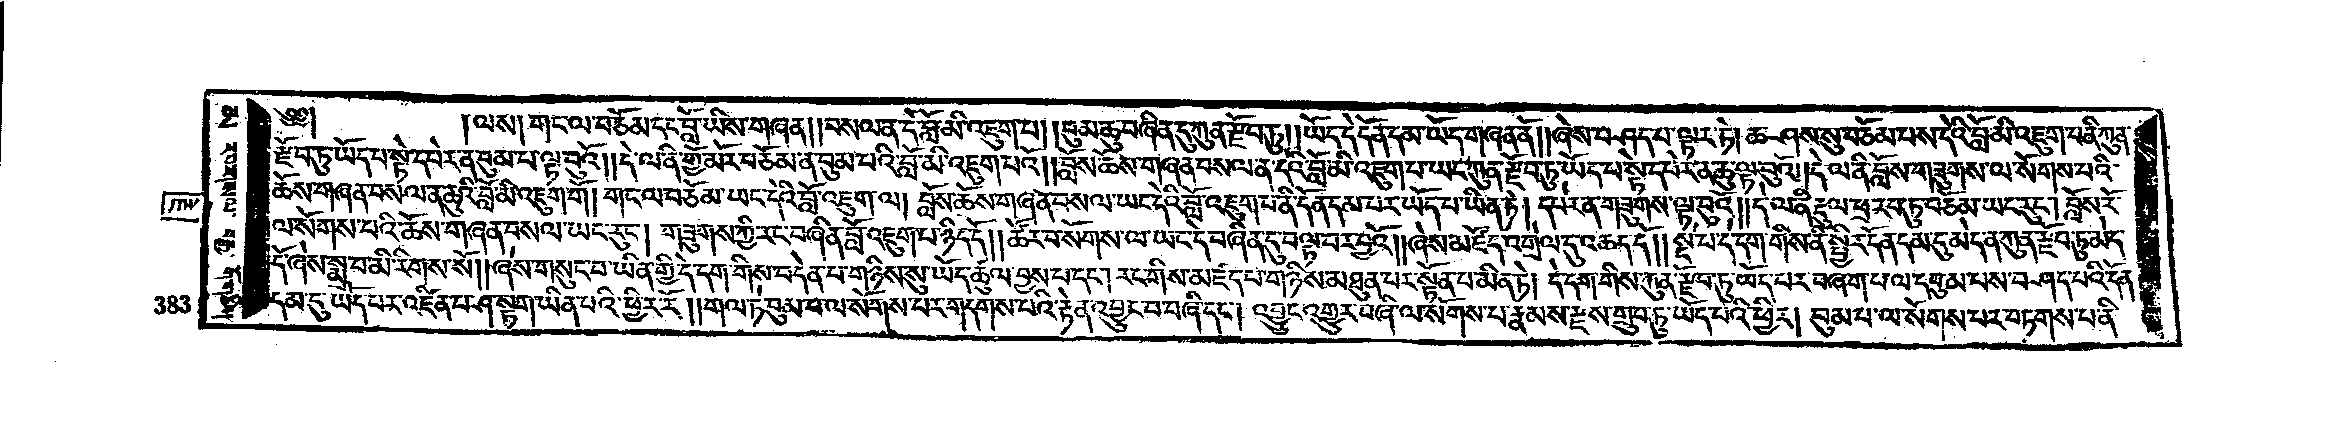༄༅། །ལས། གང་ལ་བཅོམ་དང་བློ་ཡིས་གཞན། །བསལ་ན་དེ་བློ་མི་འཇུག་པ། །བུམ་ཆུ་བཞིན་དུ་ཀུན་རྫོབ་ཏུ། །ཡོད་དེ་དོན་དམ་ཡོད་གཞན་ནོ། །ཞེས་བཤད་པ་ལྟར་ཏེ། ཆ་ཤས་སུ་བཅོམ་པས་དེའི་བློ་མི་འཇུག་པའི་ཀུན་
རྫོབ་ཏུ་ཡོད་པ་སྟེ་དཔེར་ན་བུམ་པ་ལྟ་བུའོ། །དེ་ལ་ནི་གྱོ་མོར་བཅོམ་ན་བུམ་པའི་བློ་མི་འཇུག་པའོ། །བློས་ཆོས་གཞན་བསལ་ན་དེའི་བློ་མི་འཇུག་པ་ཡང་ཀུན་རྫོབ་ཏུ་ཡོད་པ་སྟེ་དཔེར་ན་ཆུ་ལྟ་བུའོ། །དེ་ལ་ནི་བློས་གཟུགས་ལ་སོགས་པའི་
ཆོས་གཞན་བསལ་ན་ཆུའི་བློ་མི་འཇུག་གོ །གང་ལ་བཅོམ་ཡང་དེའི་བློ་འཇུག་ལ། བློས་ཆོས་གཞན་བསལ་ཡང་དེའི་བློ་འཇུག་པ་ནི་དོན་དམ་པར་ཡོད་པ་ཡིན་ཏེ། དཔེར་ན་གཟུགས་ལྟ་བུའོ། །དེ་ལ་ནི་རྡུལ་ཕྲ་རབ་ཏུ་བཅོམ་ཡང་རུང་། བློས་རོ་
ལ་སོགས་པའི་ཆོས་གཞན་བསལ་ཡང་རུང་། གཟུགས་ཀྱི་རང་བཞིན་བློ་འཇུག་པ་ཉིད་དོ། །ཚོར་བ་སོགས་ལ་ཡང་དེ་བཞིན་དུ་བལྟ་བར་བྱའོ། །ཞེས་མཛོད་འགྲེལ་དུ་འཆད་དོ། །སྡེ་པ་དེ་དག་གིས་ནི་སྤྱིར་དོན་དམ་དུ་མེད་ན་ཀུན་རྫོབ་ཏུ་མེད་
དོ་ཞེས་སྨྲ་བ་མི་རིགས་སོ། །ཞེས་གསུང་བ་ཡིན་གྱི་དེ་དག་གིས་བདེན་པ་གཉིས་སུ་ཡོད་ཚུལ་བྱས་པ་དང་། རང་གིས་མཛད་པ་གཉིས་མཐུན་པར་སྟོན་པ་མིན་ཏེ། དེ་དག་གིས་ཀུན་རྫོབ་ཏུ་ཡོད་པར་བཞག་པ་ལ་དབུ་མ་པས་བཤད་པའི་དོན་
དམ་དུ་ཡོད་པར་འཛིན་པ་ཤ་སྟག་ཡིན་པའི་ཕྱིར་རོ། །གལ་ཏེ་བུམ་པ་ལ་སོགས་པར་གདགས་པའི་རྟེན་འབྱུང་བ་བཞི་དང་། འབྱུང་འགྱུར་བཞི་ལ་སོགས་པ་རྣམས་རྫས་གྲུབ་ཏུ་ཡོད་པའི་ཕྱིར། བུམ་པ་ལ་སོགས་པར་བཏགས་པ་ནི་